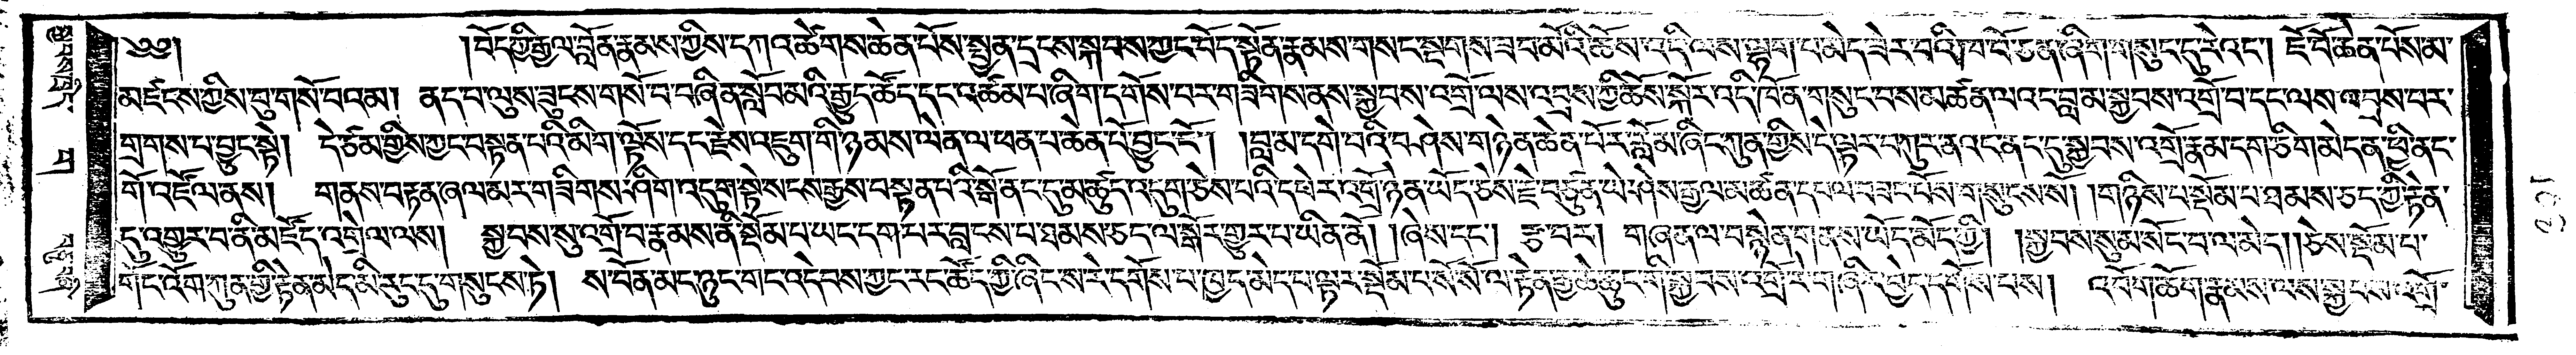༄༅། །བོད་ཀྱི་རྒྱལ་བློན་རྣམས་ཀྱིས་དཀའ་ཚོགས་ཆེན་པོས་སྤྱན་དྲངས་སྐབས་ཀྱང་བོད་སྟོན་རྣམས་གསང་སྔགས་ཟབ་མོའི་ཆོས་འདི་ལས་ལྷག་པ་མེད་ཟེར་བའི་ཁ་པོ་ཅན་ཞིག་གསུང་དུ་རེའང་། ཇོ་བོ་ཆེན་པོ་སམ་
མཛངས་ཀྱིས་བུ་གསོ་བའམ། ནད་པ་ལུས་ཟུངས་གསོ་བ་བཞིན་སློབ་མའི་རྒྱུད་ཚོད་དང་འཚམ་བ་ཞིག་དགོས་པར་གཟིགས་ནས་སྐྱབས་འགྲོ་ལས་འབྲས་ཀྱི་ཚེས་སྐོར་འདི་ཁོ་ན་གསུང་བསམ་ཚན་ལའང་བླ་མ་སྐྱབས་འགྲོ་བ་དང་ལས་འབྲས་བར་
གྲགས་པ་བྱུང་སྟེ། དེ་ཙམ་གྱིས་ཀྱང་བསྟན་པའི་མིག་ལྟོས་དང་རྗེས་འཇུག་གི་ཉམས་ལེན་ལ་ཕན་པ་ཆེན་པོ་བྱུང་ངོ། །བླ་མ་དགེ་བའི་བཤེས་གཉེན་ཆེན་པོར་རློམ་ཞིང་ཀུན་གྱིས་དེ་ལྟར་བཀུར་ནའང་ནང་དུ་སྐྱབས་འགྲོ་རྣམ་དག་ཅིག་མེད་ན་ཕྱི་ནང་
གོ་འཛོལ་ནས། གནས་བརྟན་ཞལ་མར་གཟིགས་ཤིག་འདུག་སྟེ་སངས་རྒྱས་བསྟན་པའི་སྒོ་ནང་དུ་མཚུད་འདུག་ཅེས་པའི་དཔེར་འགྲོ་ཉན་ཡོད་ཅེས་རྗེ་བཙུན་ཡེ་ཤེས་རྒྱལ་མཚན་དཔལ་བཟང་པོས་གསུངས་སོ། །གཉིས་པ་སྡོམ་པ་ཐམས་ཅད་ཀྱི་རྟེན་
དུ་འགྱུར་བ་ནི་མཛོད་འགྲེལ་ལས། སྐྱབས་སུ་འགྲོ་བ་རྣམས་ནི་སྡོམ་པ་ཡང་དག་པར་བླངས་པ་ཐམས་ཅད་ལ་སྒོར་གྱུར་པ་ཡིན་ནོ། །ཞེས་དང་། རྩ་བ་རེ། གཞན་ལ་བསྙེན་གནས་ཡོད་མོད་ཀྱི། །སྐྱབས་སུམ་སོང་བ་ལ་མེད། །ཅེས་སྡོམ་པ་
གོང་འོག་ཀུན་གྱི་རྟེན་མེད་མི་རུང་དུ་གསུངས་ཏེ། ས་བོན་མང་ཉུང་གང་འདེབས་ཀྱང་རང་ཚོད་ཀྱི་ཞིང་ས་རེ་དགོས་པ་ཁྱད་མེད་པ་ལྟར་སྡོམ་པ་སོ་སོ་ལ་རྟེན་རྒྱ་ཆེ་ཆུང་གི་སྐྱབས་འགྲོ་རེ་གཞིར་བྱེད་དགོས་པས། འབོག་ཆོག་རྣམས་ལས་སྐྱབས་འགྲོ་